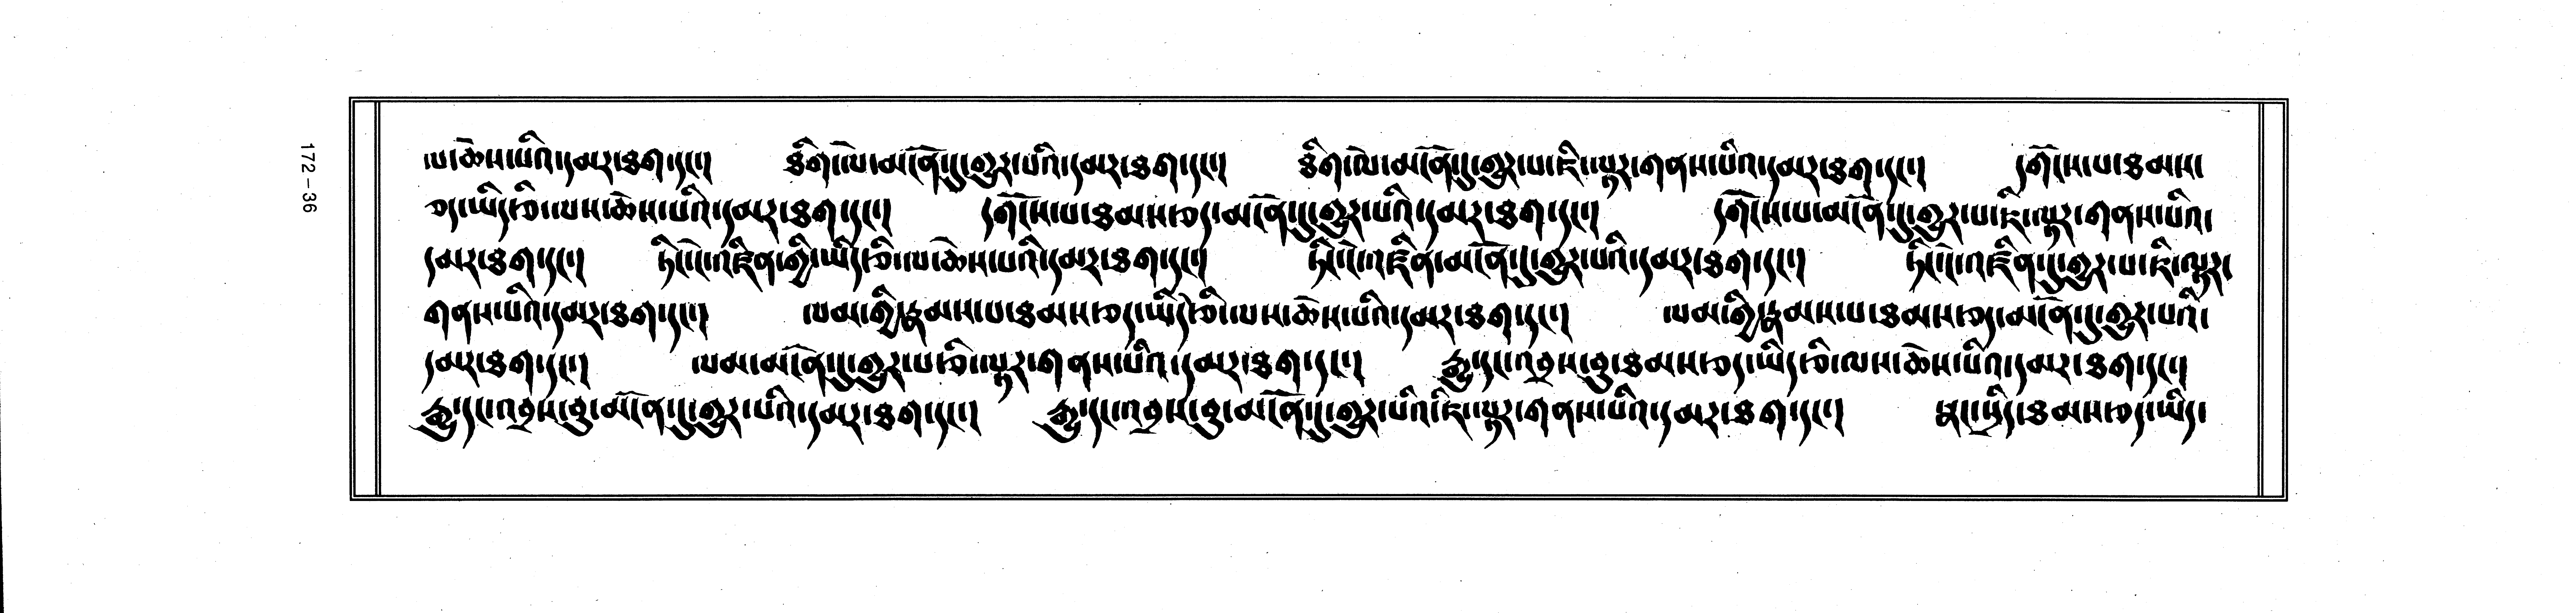ཅི་ལ་ཆེས་པའི་དམར་ཐག་དང་། ཐིག་ལེ་མངོན་དུ་གྱུར་པའི་དམར་ཐག་དང་། ཐིག་ལེ་མངོན་དུ་གྱུར་པ་ཇི་ལྟར་གནས་པའི་དམར་ཐག་དང་། དགོངས་པ་ཐམས་
ཅད་ཡིད་ཅི་ལས་ཆེས་པའི་དམར་ཐག་དང་། དགོངས་པ་ཐམས་ཅད་མངོན་དུ་གྱུར་པའི་དམར་ཐག་དང་། དགོངས་པ་མངོན་དུ་གྱུར་པ་ཇི་ལྟར་གནས་པའི་
དམར་ཐག་དང་། ཏིང་ངེ་འཛིན་གྱི་ཡིད་ཅི་ལས་ཆེས་པའི་དམར་ཐག་དང་། ཏིང་ངེ་འཛིན་མངོན་དུ་གྱུར་པའི་དམར་ཐག་དང་། ཏིང་ངེ་འཛིན་དུ་གྱུར་པ་ཇི་ལྟར་
གནས་པའི་དམར་ཐག་དང་། ལམ་གྱི་རྣམས་པ་ཐམས་ཅད་ཡིད་ཅི་ལས་ཆེས་པའི་དམར་ཐག་དང་། ལམ་གྱི་རྣམས་པ་ཐམས་ཅད་མངོན་དུ་གྱུར་པའི་
དམར་ཐག་དང་། ལམ་མངོན་དུ་གྱུར་པ་ཅི་ལྟར་གནས་པའི་དམར་ཐག་དང་། རྒྱུ་དང་འབྲས་བུ་ཐམས་ཅད་ཡིད་ཅི་ལས་ཆེས་པའི་དམར་ཐག་དང་། 
རྒྱུ་དང་འབྲས་བུ་མངོན་དུ་གྱུར་པའི་དམར་ཐག་དང་། རྒྱུ་དང་འབྲས་བུ་མངོན་དུ་གྱུར་པ་ཇི་ལྟར་གནས་པའི་དམར་ཐག་དང་། སྣང་སྲིད་ཐམས་ཅད་ཡིད་